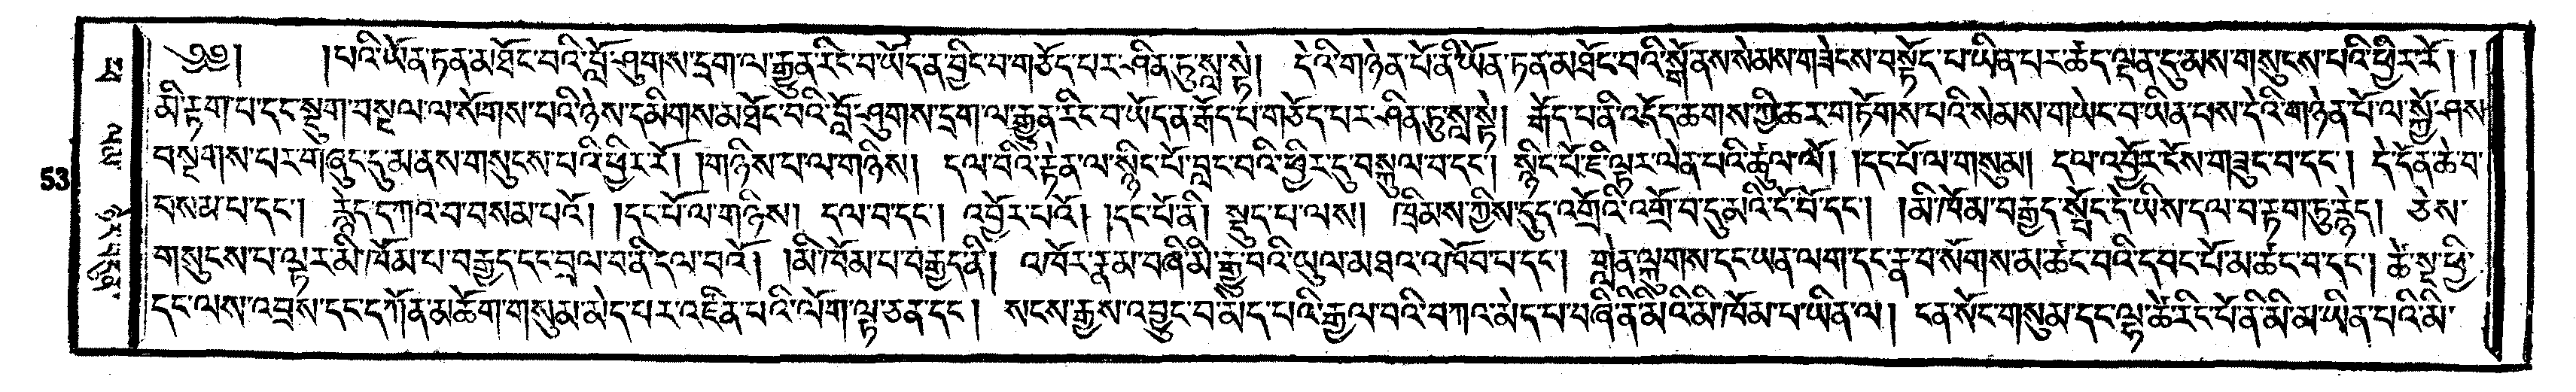༄༅། །པའི་ཡོན་ཏན་མཐོང་བའི་བློ་ཤུགས་དྲག་ལ་རྒྱུན་རིང་བ་ཡོད་ན་བྱིང་པ་གཅོད་པར་ཤིན་ཏུ་སླ་སྟེ། དེའི་གཉེན་པོ་ནི་ཡོན་ཏན་མཐོང་བའི་སྒོ་ནས་སེམས་གཟེངས་བསྟོད་པ་ཡིན་པར་ཚད་ལྡན་དུ་མས་གསུངས་པའི་ཕྱིར་རོ། །
མི་རྟག་པ་དང་སྡུག་བསྔལ་ལ་སོགས་པའི་ཉེས་དམིགས་མཐོང་བའི་བློ་ཤུགས་དྲག་ལ་རྒྱུན་རིང་བ་ཡོད་ན་རྒོད་པ་གཅོད་པར་ཤིན་ཏུ་སླ་སྟེ། རྒོད་པ་ནི་འདོད་ཆགས་ཀྱི་ཆར་གཏོགས་པའི་སེམས་གཡེང་བ་ཡིན་པས་དེའི་གཉེན་པོ་ལ་སྐྱོ་ཤས་
བསྔགས་པར་གཞུང་དུ་མ་ནས་གསུངས་པའི་ཕྱིར་རོ། །གཉིས་པ་ལ་གཉིས། དལ་བའི་རྟེན་ལ་སྙིང་པོ་བླང་བའི་ཕྱིར་དུ་བསྐུལ་བ་དང་། སྙིང་པོ་ཇི་ལྟར་ལེན་པའི་ཚུལ་ལོ། །དང་པོ་ལ་གསུམ། དལ་འབྱོར་ངོས་གཟུང་བ་དང་། དེ་དོན་ཆེ་བ་
བསམ་པ་དང་། རྙེད་དཀའ་བ་བསམ་པའོ། །དང་པོ་ལ་གཉིས། དལ་བ་དང་། འབྱོར་པའོ། །དང་པོ་ནི། སྡུད་པ་ལས། ཁྲིམས་ཀྱིས་དུད་འགྲོའི་འགྲོ་བ་དུ་མའི་ངོ་བོ་དང་། །མི་ཁོམ་བརྒྱད་སྤོང་དེ་ཡིས་དལ་བ་རྟག་ཏུ་རྙེད། ཅེས་
གསུངས་པ་ལྟར་མི་ཁོམ་པ་བརྒྱད་དང་བྲལ་བ་ནི་དལ་བའོ། །མི་ཁོམ་པ་བརྒྱད་ནི། འཁོར་རྣམ་བཞི་མི་རྒྱུ་བའི་ཡུལ་མཐའ་འཁོབ་པ་དང་། གླེན་ལྐུགས་དང་ཡན་ལག་དང་རྣ་བ་སོགས་མ་ཚང་བའི་དབང་པོ་མ་ཚང་བ་དང་། ཚེ་སྔ་ཕྱི་
དང་ལས་འབྲས་དང་དཀོན་མཆོག་གསུམ་མེད་པར་འཛིན་པའི་ལོག་ལྟ་ཅན་དང་། སངས་རྒྱས་འབྱུང་བ་མེད་པའི་རྒྱལ་བའི་བཀའ་མེད་པ་བཞི་ནི་མིའི་མི་ཁོམ་པ་ཡིན་ལ། ངན་སོང་གསུམ་དང་ལྷ་ཚེ་རིང་པོ་ནི་མི་མ་ཡིན་པའི་མི་